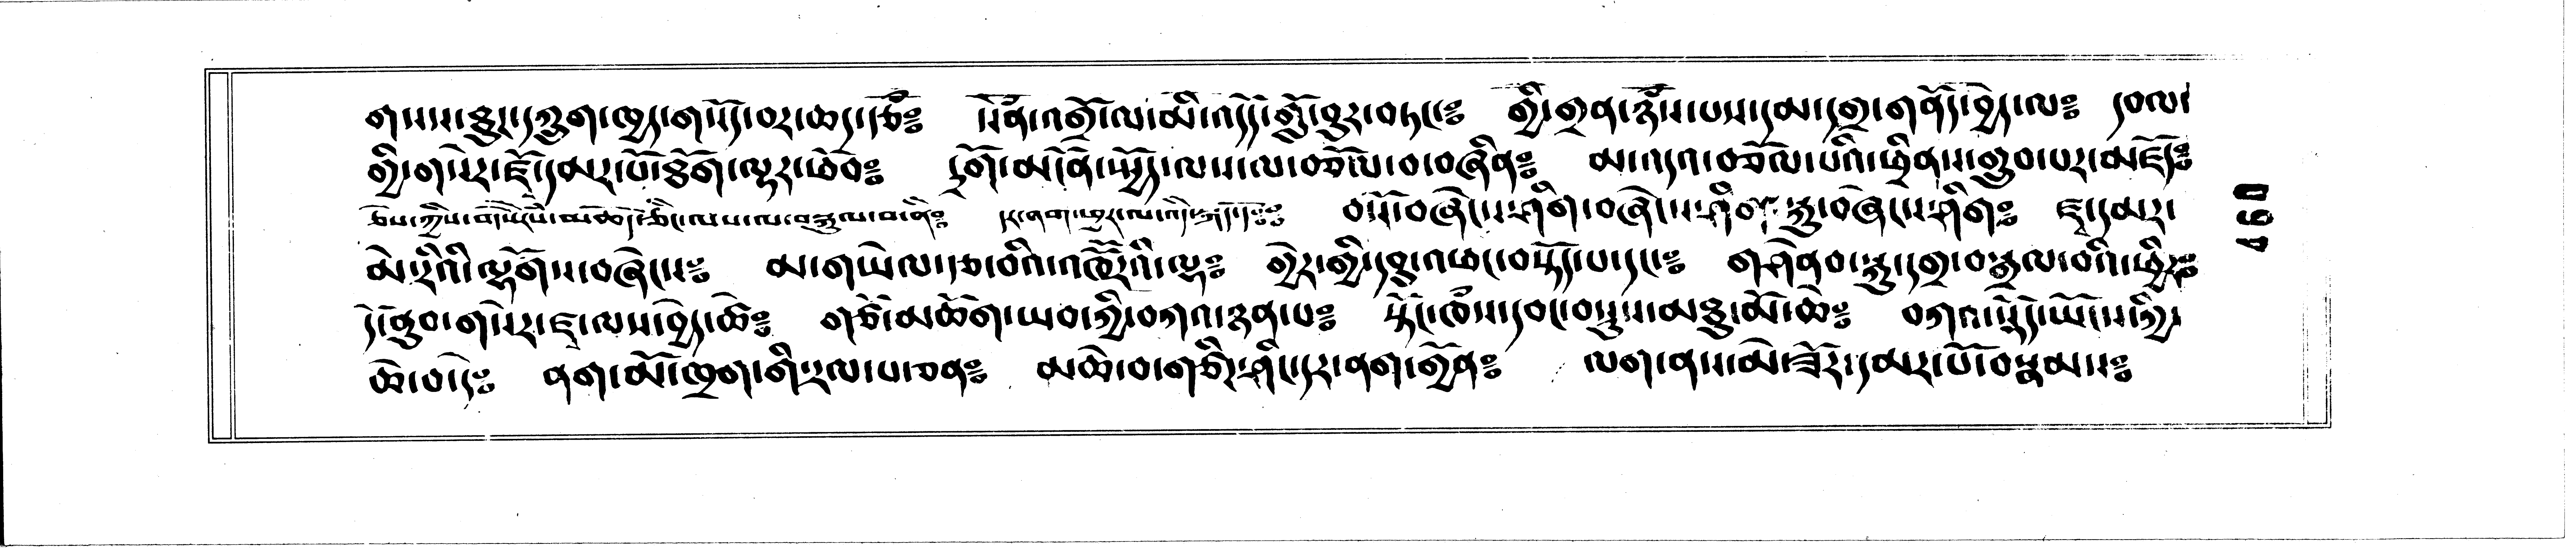གསས་ཐུགས་དཀྲུག་ཁྱད་གསོད་བར་ཆད་བརྩམ༔ སེམས་ཅན་འགྲོ་ལ་མི་འདོད་གློ་བུར་བཏང་༔གྱི་གྲན་ཉམས་པས་དམ་དགྲ་གནོད་བྱེད་ལ༔དབལ་
གྱི་གསེར་ཛྭོ་དམར་པོ་ཐོག་ལྟར་ཕོབས༔དྲག་པོ་མངོན་སྤྱོད་ལས་ལ་བཅོལ་བ་བཞིན༔མ་འདའ་བཅོལ་པའི་ཕྲིན་ལས་གྲུབ་པར་མཛོད༔
ཅེས་ཀྱིས་གསེར་སྐྱེམས་མཆོད་ཅིང་ལས་ལ་བསྐུལ་བ་ནི༔དར་ནག་ཕྱར་ལ་འདི་སྐད་དོ༔༔བསྭོ་བཞེངས་ཤིག་བཞེངས་ཤིག་སྐུ་བཞེངས་ཤིག༔ཛྭ་དམར་
མེ་རིའི་ལྷ་ཚོགས་བཞེངས༔མ་གཡེལ་རྩ་བའི་འཁོར་ལོའི་ལྷ༔གྱེར་གྱི་དབུ་འཕང་བསྟོད་པ་དང་༔གཤེན་རབ་སྐུ་དགྲ་བསྒྲལ་བའི་ཕྱིར༔
དོ་ནུབ་གསེར་ཛྭ་ལས་བྱེད་ཚེ༔ གཙོ་མཆོག་ཡབ་ཀྱི་བཀའ་ཉན་པ༔ སྟོང་ཁམས་དབང་བསྡུས་མཐུ་མོ་ཆེ༔བཀའ་སྡོད་ཡོངས་ཀྱི་
ཆེ་བ་དེ༔ནག་མོ་ཁྲག་གི་རལ་པ་ཅན༔མཆེ་བ་གཙིགས་ཤིང་དར་ནག་གྱོན༔ལག་ནས་མེ་ཟོར་དམར་པོ་བསྣམས༔